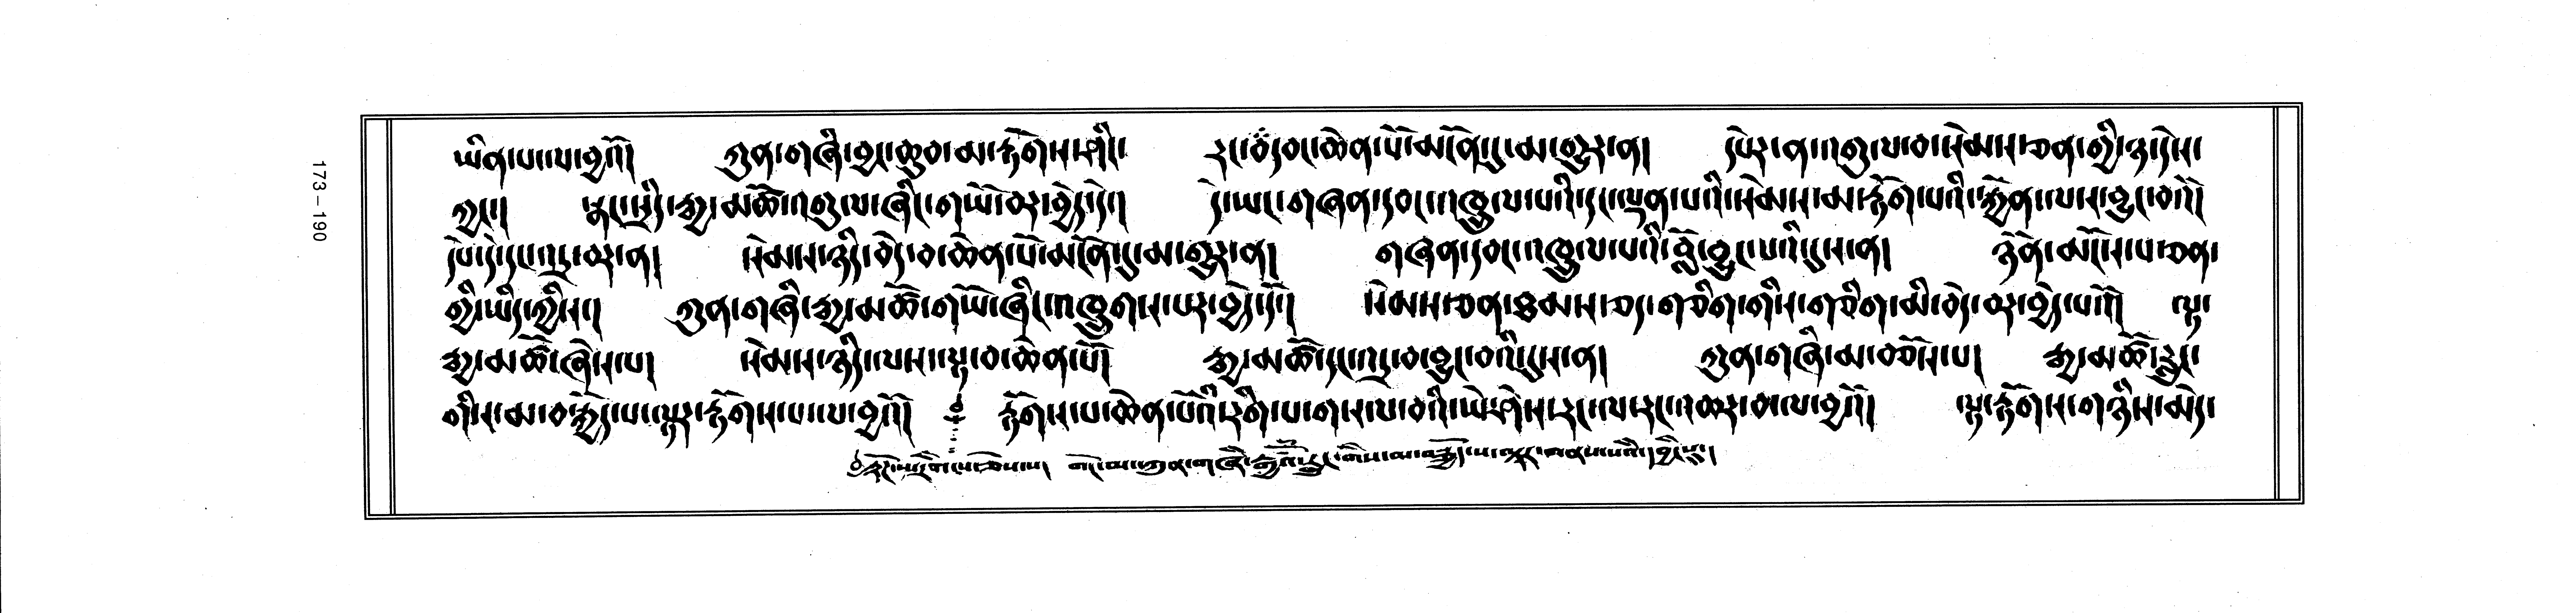ཡིན་པ་ལ་བྱའོ། །ཀུན་གཞི་བྱང་ཆུབ་སེམས་མ་རྟོགས་ཤིང་། རང་དབང་ཆེན་པོ་མངོན་དུ་མ་གྱུར་ན། དཔེར་ན་འགུལ་བ་སེམས་ཅན་གྱི་ཉ་དེས་
ཀྱང་། སྣང་སྲིད་རྒྱ་མཚོ་འགུལ་ཞིང་གཡོ་བར་བྱེད་དེ། དེ་ཡང་གཞན་དབང་འཁྲུལ་པ་དང་ལྡན་པའི་སེམས་མ་རྟོགས་པའི་སྐྱོན་ལས་བྱུང་བའོ། །
དཔེ་དེ་དང་འདྲ་བར། སེམས་ཉིད་བདེ་བ་ཆེན་པོ་མངོན་དུ་མ་གྱུར་ན། གཞན་དབང་འཁྲུལ་པའི་བློ་བྱུང་བའི་དུས་ན། ཉོན་མོངས་པ་ཅན་
གྱི་ཡིད་ཀྱིས། ཀུན་གཞི་རྒྱ་མཚོ་གཡོ་ཞིང་འཁྲུགས་པར་བྱེད་དོ། །སེམས་ཅན་ཐམས་ཅད་གཅིག་གིས་གཅིག་མི་བདེ་བར་བྱེད་པའོ། །ལྟ་
རྒྱ་མཚོ་ཞེས་པ། སེམས་ཉིད་ལས་ལྟ་བ་ཆེན་པོ། རྒྱ་མཚོ་དང་འདྲ་བ་བྱུང་བའི་དུས་ན། ཀུན་གཞི་མ་བཅོས་པ། རྒྱ་མཚོ་རླུང་
གིས་མ་བསྐྱོད་པ་ལྟར་རྟོགས་པ་ལ་བྱའོ། རྟོགས་པ་ཆེན་པོིའི་རིག་པ་གསལ་བའི་ཡེ་ཤེས་རང་ལ་རང་འཆར་བ་ལ་བྱའོ། །ལྟ་རྟོགས་གཉིས་མེད་
།རྟོགས་པ་རིག་པ་ཅེས་པ། གོང་མ་ཀུན་གཞི་རྒྱ་མཚོ་རླུང་གིས་མ་བསྐྱོད་པ་ལྟར་གནས་པའི་དབྱིངས་སུ།